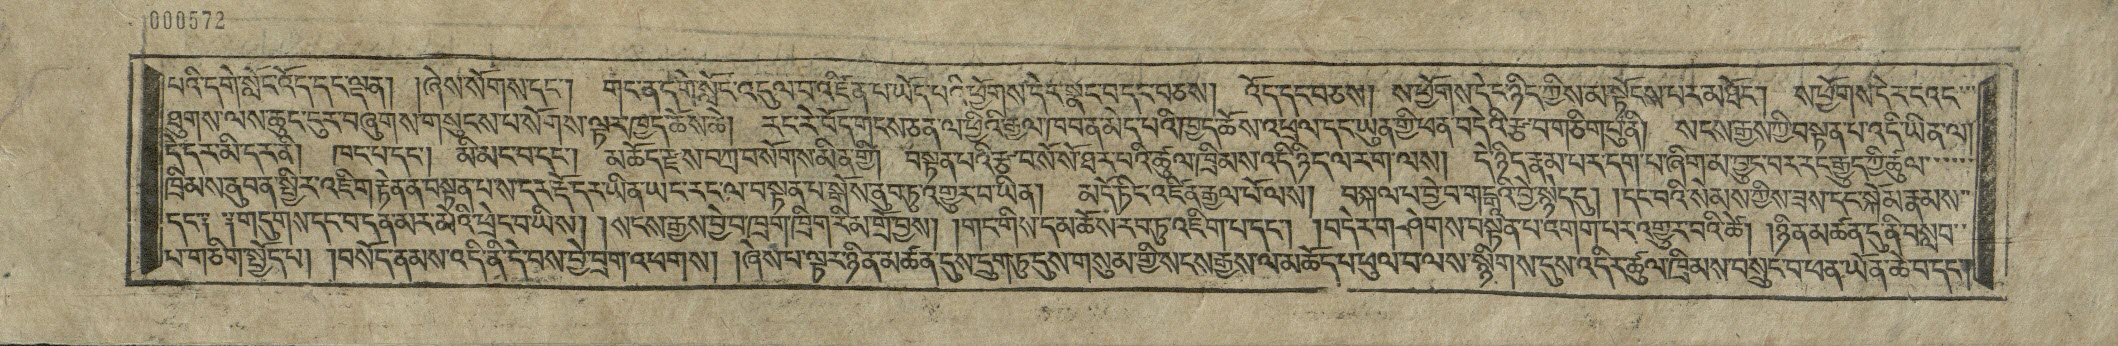པའི་དགེ་སློང་འོད་དང་ལྡན། །ཞེས་སོགས་དང་། གང་ན་དགེ་སློང་འདུལ་བ་འཛིན་པ་ཡོད་པའི་ཕྱོགས་དེར་སྣང་བ་དང་བཅས། འོད་དང་བཅས། ས་ཕྱོགས་དེ་ང་ཉིད་ཀྱིས་མ་སྟོངས་པར་མཐོང་། ས་ཕྱོགས་དེར་ངའང་
ཐུགས་ལས་ཆུང་ངུར་བཞུགས་གསུངས་པ་སོགས་ལྟར་ཁྱད་ཆོས་ཆེ། རང་རེ་བོད་གངས་ཅན་ལ་ཕྱིའི་རྒྱལ་ཁབ་ན་མེད་པའི་ཁྱད་ཆོས་འཕྲལ་དང་ཡུན་གྱི་ཕན་བདེའི་རྩ་བ་གཅིག་པུ་ནི། སངས་རྒྱས་ཀྱི་བསྟན་པ་འདི་ཡིན་ལ།
དེ་དག་མི་དག་ནི། ཁང་པ་དང་། མི་མང་བ་དང་། མཆོད་རྫས་བཀྲ་བ་སོགས་མིན་གྱི། བསྟན་པའི་རྩ་བ་སོ་སོ་ཐར་པའི་ཚུལ་ཁྲིམས་འདི་ཉིད་ལ་རག་ལས། དེ་ཉིད་རྣམ་པར་དག་པ་ཞིག་མ་བྱུང་བར་རང་རྒྱུད་ཀྱི་ཚུལ་
ཁྲིམས་ནུབ་ན་སྤྱིར་འཇིག་རྟེན་ན་བསྟན་པ་ས་དར་རྡོ་དར་ཡིན་ཡང་རང་ལ་བསྟན་པ་སྒོས་ནུབ་ཏུ་འགྱུར་བ་ཡིན། མདོ་ཏིང་འཛིན་རྒྱལ་པོ་ལས། བསྐལ་པ་བྱེ་བ་{གངྒཱའི}་བྱེ་སྙེད་དུ། །དང་བའི་སེམས་ཀྱིས་ཟས་དང་སྐོམ་རྣམས་
དང༑ ༑གདུགས་དང་བ་དན་མར་མེའི་འཕྲེང་བ་ཡིས། །སངས་རྒྱས་བྱེ་བ་ཁྲག་ཁྲིག་རིམ་གྲོ་བྱས། །གང་གིས་དམ་ཆོས་རབ་ཏུ་འཇིག་པ་དང་། །བདེར་གཤེགས་བསྟན་པ་འགག་པར་འགྱུར་བའི་ཚེ། །ཉིན་མཚན་དུ་ནི་བསླབ་
པ་གཅིག་སྤྱོད་པ། །བསོད་ནམས་འདི་ནི་དེ་བས་བྱེ་བྲག་འཕགས། །ཞེས་པ་ལྟར་ཉིན་མཚན་དུས་དྲུག་ཏུ་དུས་གསུམ་གྱི་སངས་རྒྱས་ལ་མཆོད་པ་ཕུལ་བ་ལས་སྙིགས་དུས་འདིར་ཚུལ་ཁྲིམས་བསྲུང་བ་ཕན་ཡོན་ཆེ་བ་དང་།